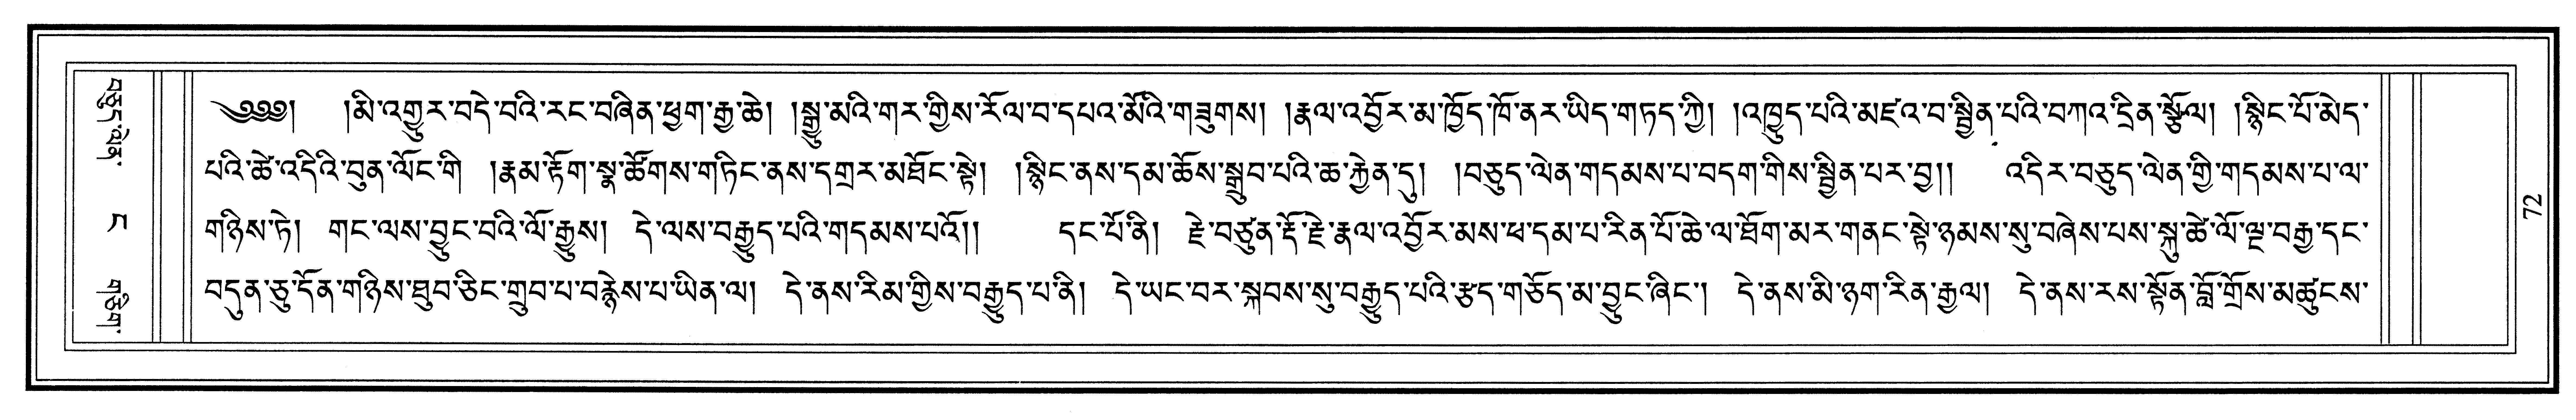༄༅༅། །མི་འགྱུར་བདེ་བའི་རང་བཞིན་ཕྱག་རྒྱ་ཆེ། །སྒྱུ་མའི་གར་གྱིས་རོལ་བ་དཔའ་མོའི་གཟུགས། །རྣལ་འབྱོར་མ་ཁྱོད་ཁོ་ནར་ཡིད་གཏད་ཀྱི། །འཁྱུད་པའི་མཛའ་བ་སྦྱིན་པའི་བཀའ་དྲིན་སྩོལ། །སྙིང་པོ་མེད་
པའི་ཚེ་འདིའི་བུན་ལོང་གི །རྣམ་རྟོག་སྣ་ཚོགས་གཏིང་ནས་དགྲར་མཐོང་སྟེ། །སྙིང་ནས་དམ་ཆོས་སྒྲུབ་པའི་ཆ་རྐྱེན་དུ། །བཅུད་ལེན་གདམས་པ་བདག་གིས་སྦྱིན་པར་བྱ།། འདིར་བཅུད་ལེན་གྱི་གདམས་པ་ལ་
གཉིས་ཏེ། གང་ལས་བྱུང་བའི་ལོ་རྒྱུས། །དེ་ལས་བརྒྱུད་པའི་གདམས་པའོ།། དང་པོ་ནི། རྗེ་བཙུན་རྡོ་རྗེ་རྣལ་འབྱོར་མས་ཕ་དམ་པ་རིན་པོ་ཆེ་ལ་ཐོག་མར་གནང་སྟེ་ཉམས་སུ་བཞེས་པས་སྐུ་ཚེ་ལོ་ལྔ་བརྒྱ་དང་
བདུན་ཅུ་དོན་གཉིས་ཐུབ་ཅིང་གྲུབ་པ་བརྙེས་པ་ཡིན་ལ། དེ་ནས་རིམ་གྱིས་བརྒྱུད་པ་ནི། དེ་ཡང་བར་སྐབས་སུ་བརྒྱུད་པའི་རྩད་གཅོད་མ་བྱུང་ཞིང་། དེ་ནས་མི་ཉག་རིན་རྒྱལ། དེ་ནས་རས་སྟོན་བློ་གྲོས་མཚུངས་